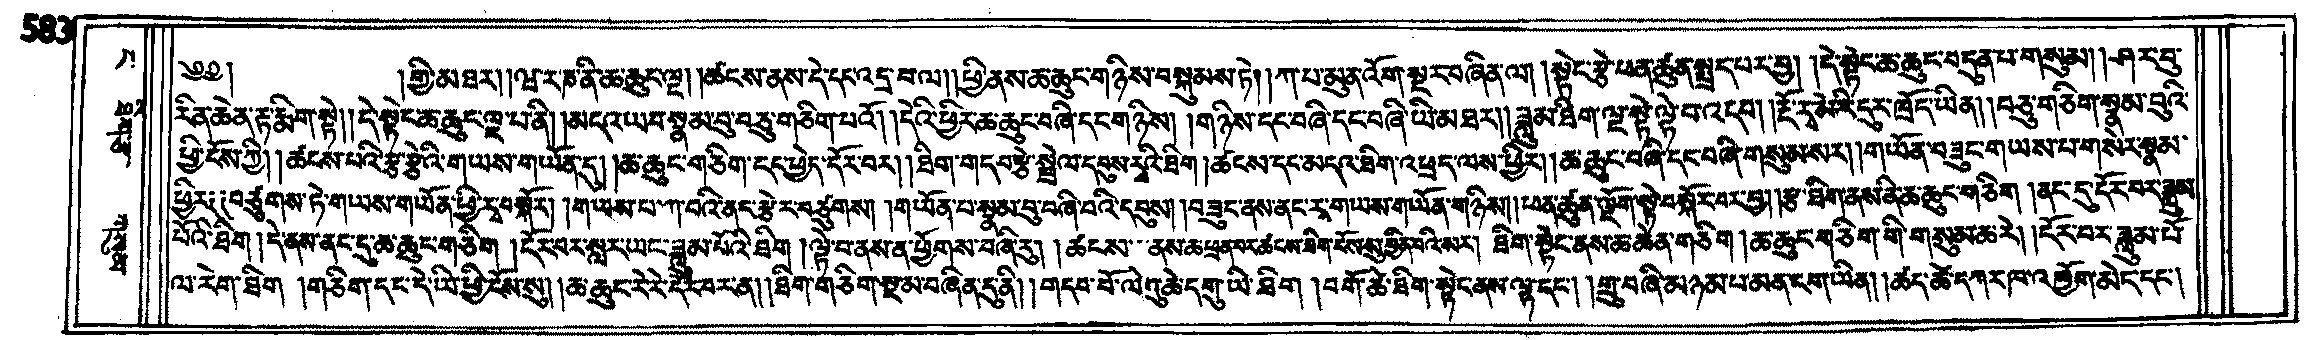༄༅། །གྱི་མཐར། །ཝ་ར་ཎ་ནི་ཆ་ཆུང་ལྔ། །ཚངས་ནས་དེ་དང་འདྲ་བ་ལ། །ཕྱི་ནས་ཆ་ཆུང་གཉིས་བསྐུམས་ཏེ། །ཀ་པ་མུན་འོག་སྔར་བཞིན་ལ། །སྟེང་རྩེ་ཕན་ཚུན་སྤྲད་པར་བྱ། །དེ་སྟེང་ཆ་ཆུང་བདུན་པ་གསུམ། །ཤར་བུ་
རིན་ཆེན་རྟ་རྨིག་སྟེ། །དེ་སྟེང་ཆ་ཆུང་ལྔ་པ་ནི། །མངའ་ཡབ་སྣམ་བུ་བཅུ་གཅིག་པའོ། །དེའི་ཕྱིར་ཆ་ཆུང་བཞི་དང་གཉིས། །གཉིས་དང་བཞི་དང་བཞི་ཡི་མཐར། །ཟླུམ་ཐིག་ལྔ་སྟེ་ལྟེ་བ་འདབ། །རྡོ་རྭ་མེའི་དུར་ཁྲོད་ཡིན། །བཅུ་གཅིག་སྣམ་བུའི་
ཕྱི་ངོས་ཀྱི། །ཚངས་པའི་རྩ་རྩེའི་གཡས་གཡོན་དུ། །ཆ་ཆུང་གཅིག་དང་ཕྱེད་དོར་བར། །ཐིག་གདབ་བརྩེ་སྦྲེལ་དབུས་རྭའི་ཐིག །ཚངས་དང་མངའ་ཐིག་འཕྲད་ལས་ཕྱིར། །ཆ་ཆུང་བཞི་དང་བཞི་གསུམ་སར། །གཡོན་བཟུང་གཡས་པ་གསེར་སྣམ་
ཕྱིར༑ ༑བཙུགས་ཏེ་གཡས་གཡོན་ཕྱི་རྭ་བསྐོར། །གཡས་པ་ཀ་བའི་ནང་རྩེར་བཙུགས། །གཡོན་པ་སྣམ་བུ་བཞི་བའི་དབུས། །བཟུང་ནས་ནང་རྭ་གཡས་གཡོན་གཉིས། །ཕན་ཚུན་ལྡོག་སྟེ་བསྐོར་བར་བྱ། །རྩ་ཐིག་ནས་ནི་ཆ་ཆུང་གཅིག །ནང་དུ་དོར་བར་ཟླུམ་
པོའི་ཐིག །དེ་ནས་ནང་དུ་ཆ་ཆུང་གཅིག །དོར་བར་སླར་ཡང་ཟླུམ་པོའི་ཐིག །ལྟེ་བ་ནས་ན་ཕྱོགས་བཞི་རུ། །ཚངྶ་་་ནས་ཆ་ཕྲན་པར་ཚངས་ཐིག་ངོས་སུ་བྱིན་པའི་སར། ཐིག་སྟེང་ནས་ཆ་ཆེན་གཅིག །ཆ་ཆུང་གཅིག་གི་གསུམ་ཆ་རེ། །དོར་བར་ཟླུམ་པོ་
ལ་རེག་ཐིག །གཅིག་དང་དེ་ཡི་ཕྱི་ངོས་སུ། །ཆ་ཆུང་རེ་རེ་དོར་བར་ན། །ཐིག་གཅིག་སྔ་མ་བཞིན་དུ་ནི། །གདབ་བོ་ལེའུ་ཆེ་དགུ་ཡི་ཐིག །བགོ་ཚེ་ཐིག་སྟེང་ནས་ལྟ་དང་། །གྲུ་བཞི་མཉམ་པ་མན་ངག་ཡིན། །ཚད་ཚེ་དཀར་ཁ་འཁྱོག་མེད་དང་།